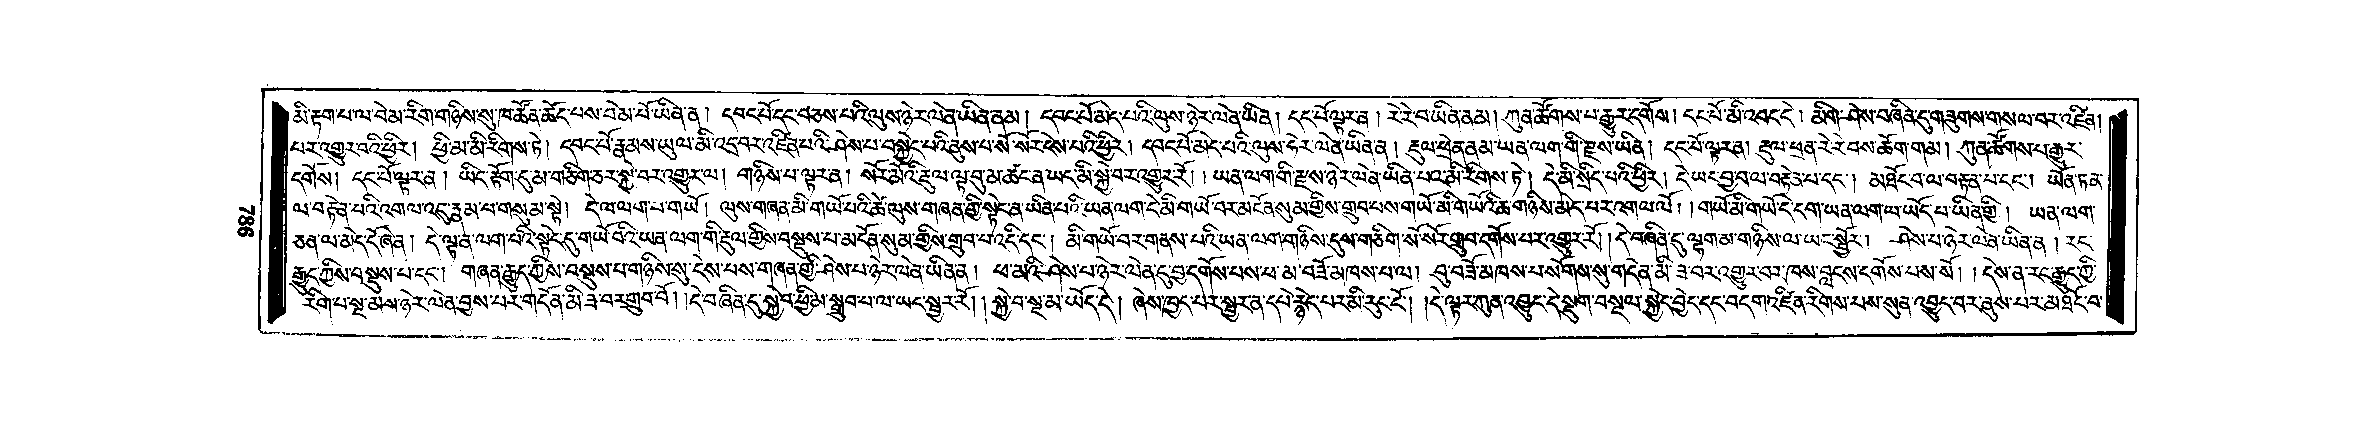མི་རྟག་པ་ལ་བེམ་རིག་གཉིས་སུ་ཁ་ཚོན་ཆོད་པས་བེམ་པོ་ཡིན་ན། དབང་པོ་དང་བཅས་པའི་ལུས་ཉེར་ལེན་ཡིན་ནམ། དབང་པོ་མེད་པའི་ལུས་ཉེར་ལེན་ཡིན། དང་པོ་ལྟར་ན། རེ་རེ་བ་ཡིན་ནམ། ཀུན་ཚོགས་པ་རྒྱུར་དགོས། དང་པོ་མི་འབད་དེ། མིག་ཤེས་བཞིན་དུ་གཟུགས་གསལ་བར་འཛིན།
པར་འགྱུར་བའི་ཕྱིར། ཕྱི་མ་མི་རིགས་ཏེ། དབང་པོ་རྣམས་ཡུལ་མི་འདྲ་བར་འཛིན་པའི་ཤེས་པ་བསྐྱེད་པའི་ནུས་པ་སོ་སོར་ངེས་པའི་ཕྱིར། དབང་པོ་མེད་པའི་ལུས་ཧེར་ལེན་ཡིན་ན། རྡུལ་ཕྲེན་ནམ་ཡན་ལག་གི་རྫས་ཡིན། དང་པོ་ལྟར་ན། རྡུལ་ཕྲན་རེ་རེ་བས་ཆོག་གམ། ཀུན་ཚོགས་པ་རྒྱུར་
དགོས། དང་པོ་ལྟར་ན། ཡིད་རྟོག་དུ་མ་གཅིག་ཅར་སྐྱེ་བར་འགྱུར་ལ། གཉིས་པ་ལྟར་ན། སོར་མོའི་རྡུལ་ལྟ་བུ་མ་ཚང་ན་ཡང་མི་སྐྱེ་བར་འགྱུར་རོ། །ཡན་ལག་གི་རྫས་ཉེར་ལེན་ཡིན་པའི་མི་རིགས་ཏེ། དེ་མི་སྲིད་པའི་ཕྱིར། དེ་ཡང་བྱ་བ་ལ་བརྟེན་པ་དང་། མཐོང་བ་ལ་བརྟན་པ་དང་། ཡོན་ཏན་
ལ་བརྟེན་པའི་འགལ་འདུ་རྣམ་པ་གསུམ་སྟེ། དེ་ལ་ལག་པ་གཡོ། ལུས་གཞན་མི་གཡོ་བའི་ཚེ་ལུས་གཞན་གྱི་སྟེང་ན་ཡིན་པའི་ཡན་ལག་དེ་མི་གཡོ་བར་མངོན་སུམ་གྱིས་གྲུབ་པས་གཡོ་མི་གཡོའི་ཆ་གཉིས་མེད་པར་འགལ་ལོ། །གཡོ་མི་གཡོ་དེ་དག་ཡན་ལག་ལ་ཡོད་པ་ཡིན་གྱི། ཡན་ལག་
ཅན་ལ་མེད་དོ་ཞེ་ན། དེ་ལྟ་ན་ལག་པའི་སྟེང་དུ་གཡོ་བའི་ཡན་ལག་གི་རྡུལ་གྱིས་བསྡུས་པ་མངོན་སུམ་གྱིས་གྲུབ་པ་འདི་དང་། མི་གཡོ་བར་གནས་པའི་ཡན་ལག་གཉིས་དུས་གཅིག་སོ་སོར་གྲུབ་དགོས་པར་འགྱུར་རོ། །དེ་བཞིན་དུ་ལྷག་མ་གཉིས་ལ་ཡང་སྦྱོར། ཤེས་པ་ཉེར་ལེན་ཡིན་ན། རང་
རྒྱུད་ཀྱིས་བསྡུས་པ་དང་། གཞན་རྒྱུད་ཀྱིས་བསྡུས་པ་གཉིས་སུ་ངེས་པས་གཞན་གྱི་ཤེས་པ་ཉེར་ལེན་ཡིན་ན། ཕ་མའི་ཤེས་པ་ཉེར་ལེན་དུ་བྱ་དགོས་པས་ཕ་མ་བཟོ་མཁས་པ་ལ། བུ་བཟོ་མཁས་པ་སོགས་སུ་གདེན་མི་ཟ་བར་འགྱུར་བར་ཁས་བླངས་དགོས་པས་སོ། །དེས་ན་རང་རྒྱུད་ཀྱི་
རིག་པ་སྔ་མས་ཉེར་ལེན་བྱས་པར་གདོན་མི་ཟ་བར་གྲུབ་བོ། །དེ་བཞིན་དུ་སྐྱེ་བ་ཕྱི་མ་སྒྲུབ་པ་ལ་ཡང་སྦྱར་རོ། །སྐྱེ་བ་སྔ་མ་ཡོད་དེ། ཞེས་ཁྱད་པར་སྦྱར་ན་དཔེ་རྙེད་པར་མི་རུང་ངོ། །དེ་ལྟར་ཀུན་འབྱུང་དེ་སྡུག་བསྔལ་སྐྱེད་བྱེད་དང་བདག་འཛིན་རིགས་པས་སུན་འབྱུང་བར་ནུས་པར་མཐོང་བ་